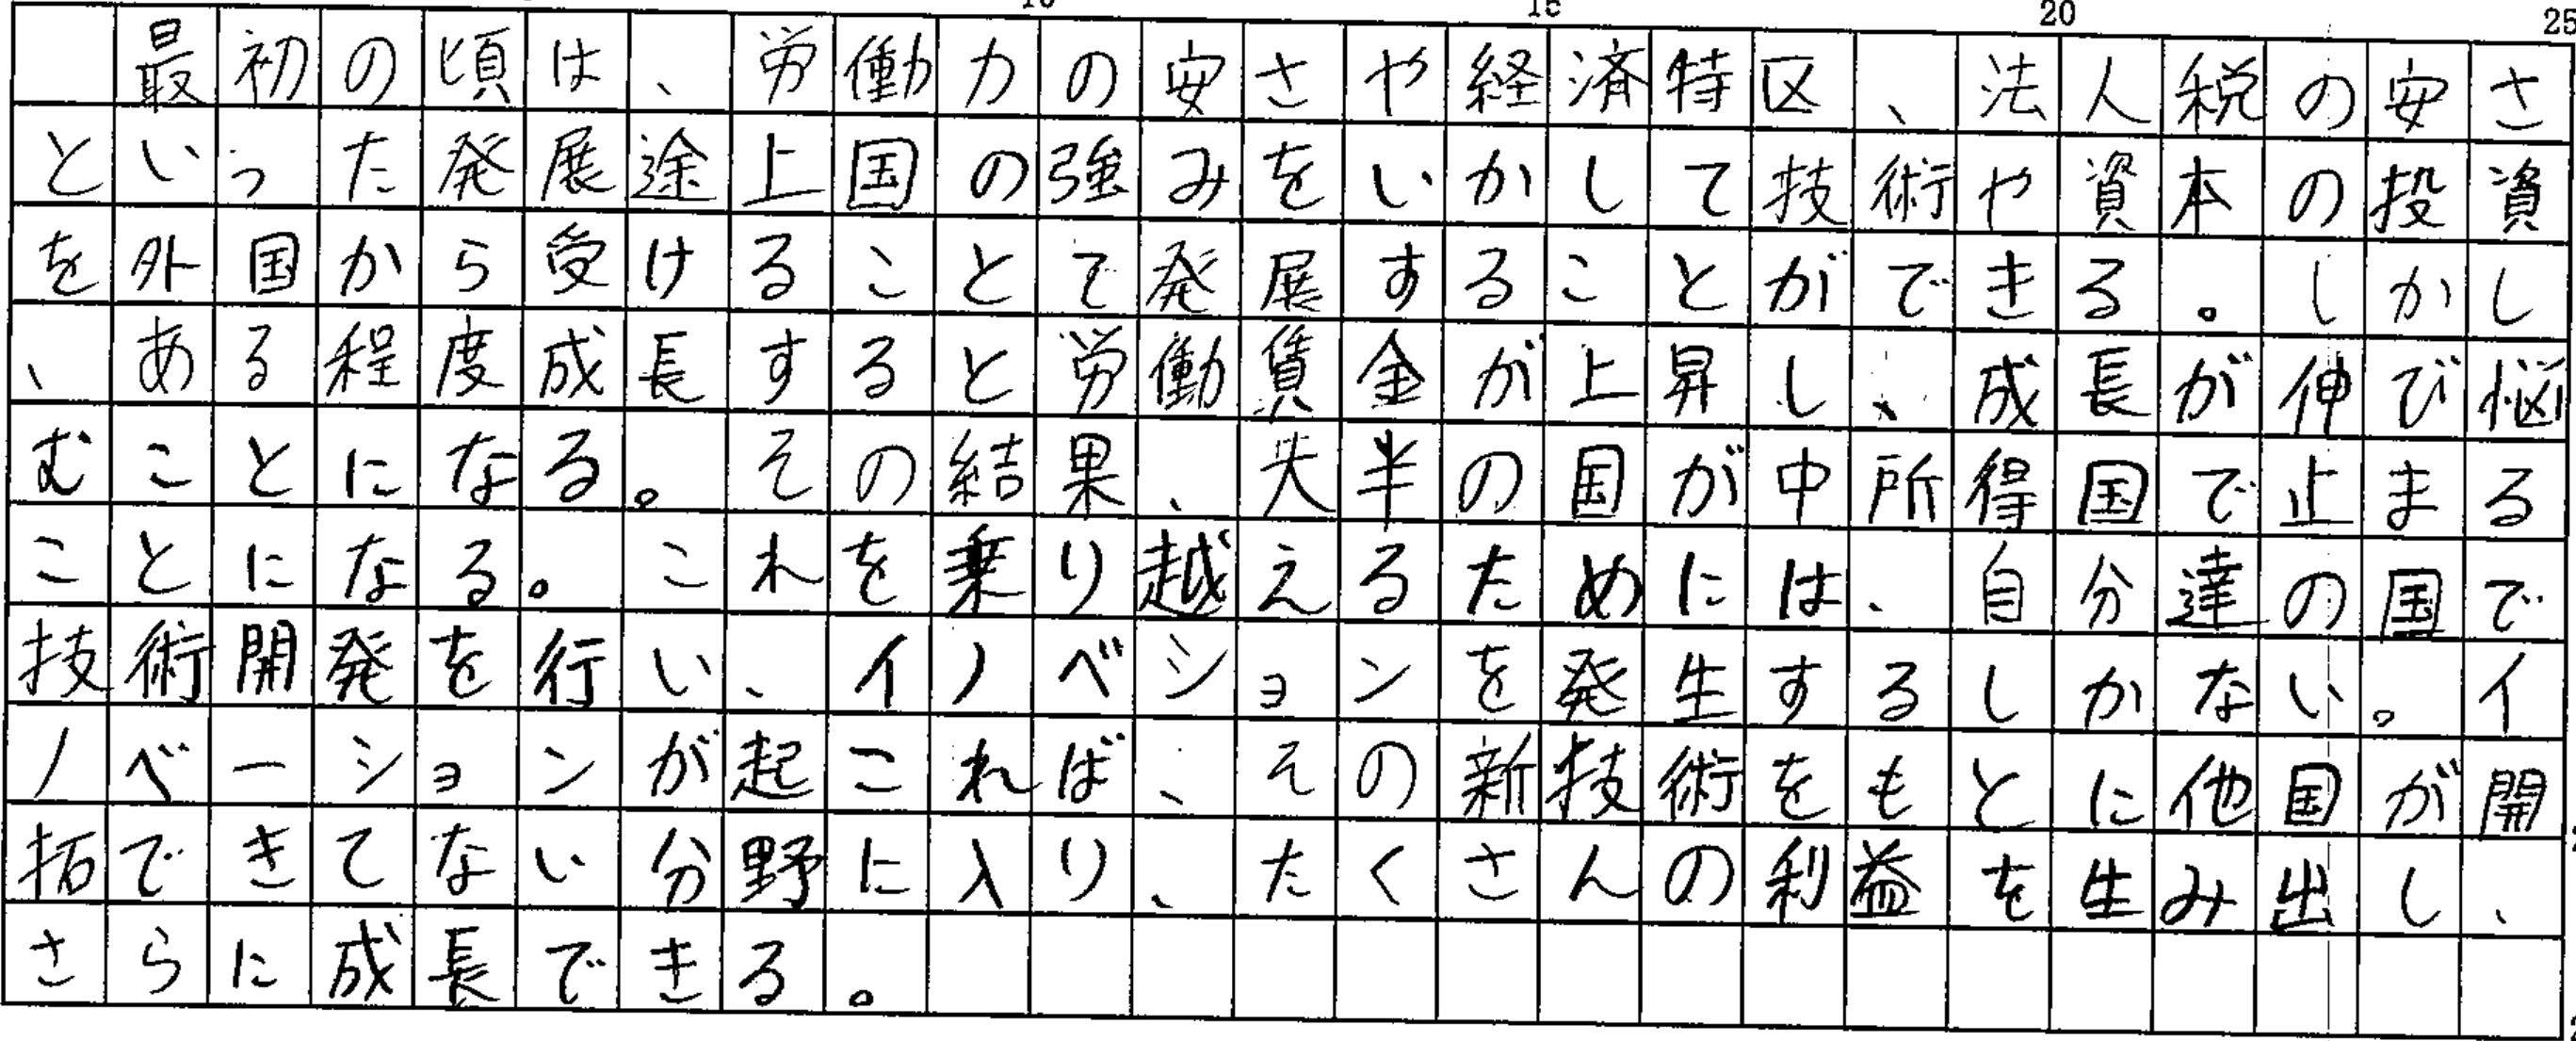　最初の頃は、労働力の安さや経済特区、法人税の安さといった発展途上国の強みをいかして技術や資本の投資を外国から受けることで発展することができる。しかし、ある程度成長すると労働賃金が上昇し、成長が伸び悩むことになる。その結果、大半の国が中所得国で止まることになる。これを乗り越えるためには、自分達の国で技術開発を行い、イノベションを発生するしかない。イノベーションが起これば、その新技術をもとに他国が開拓できてない分野に入り、たくさんの利益を生み出し、さらに成長できる。
